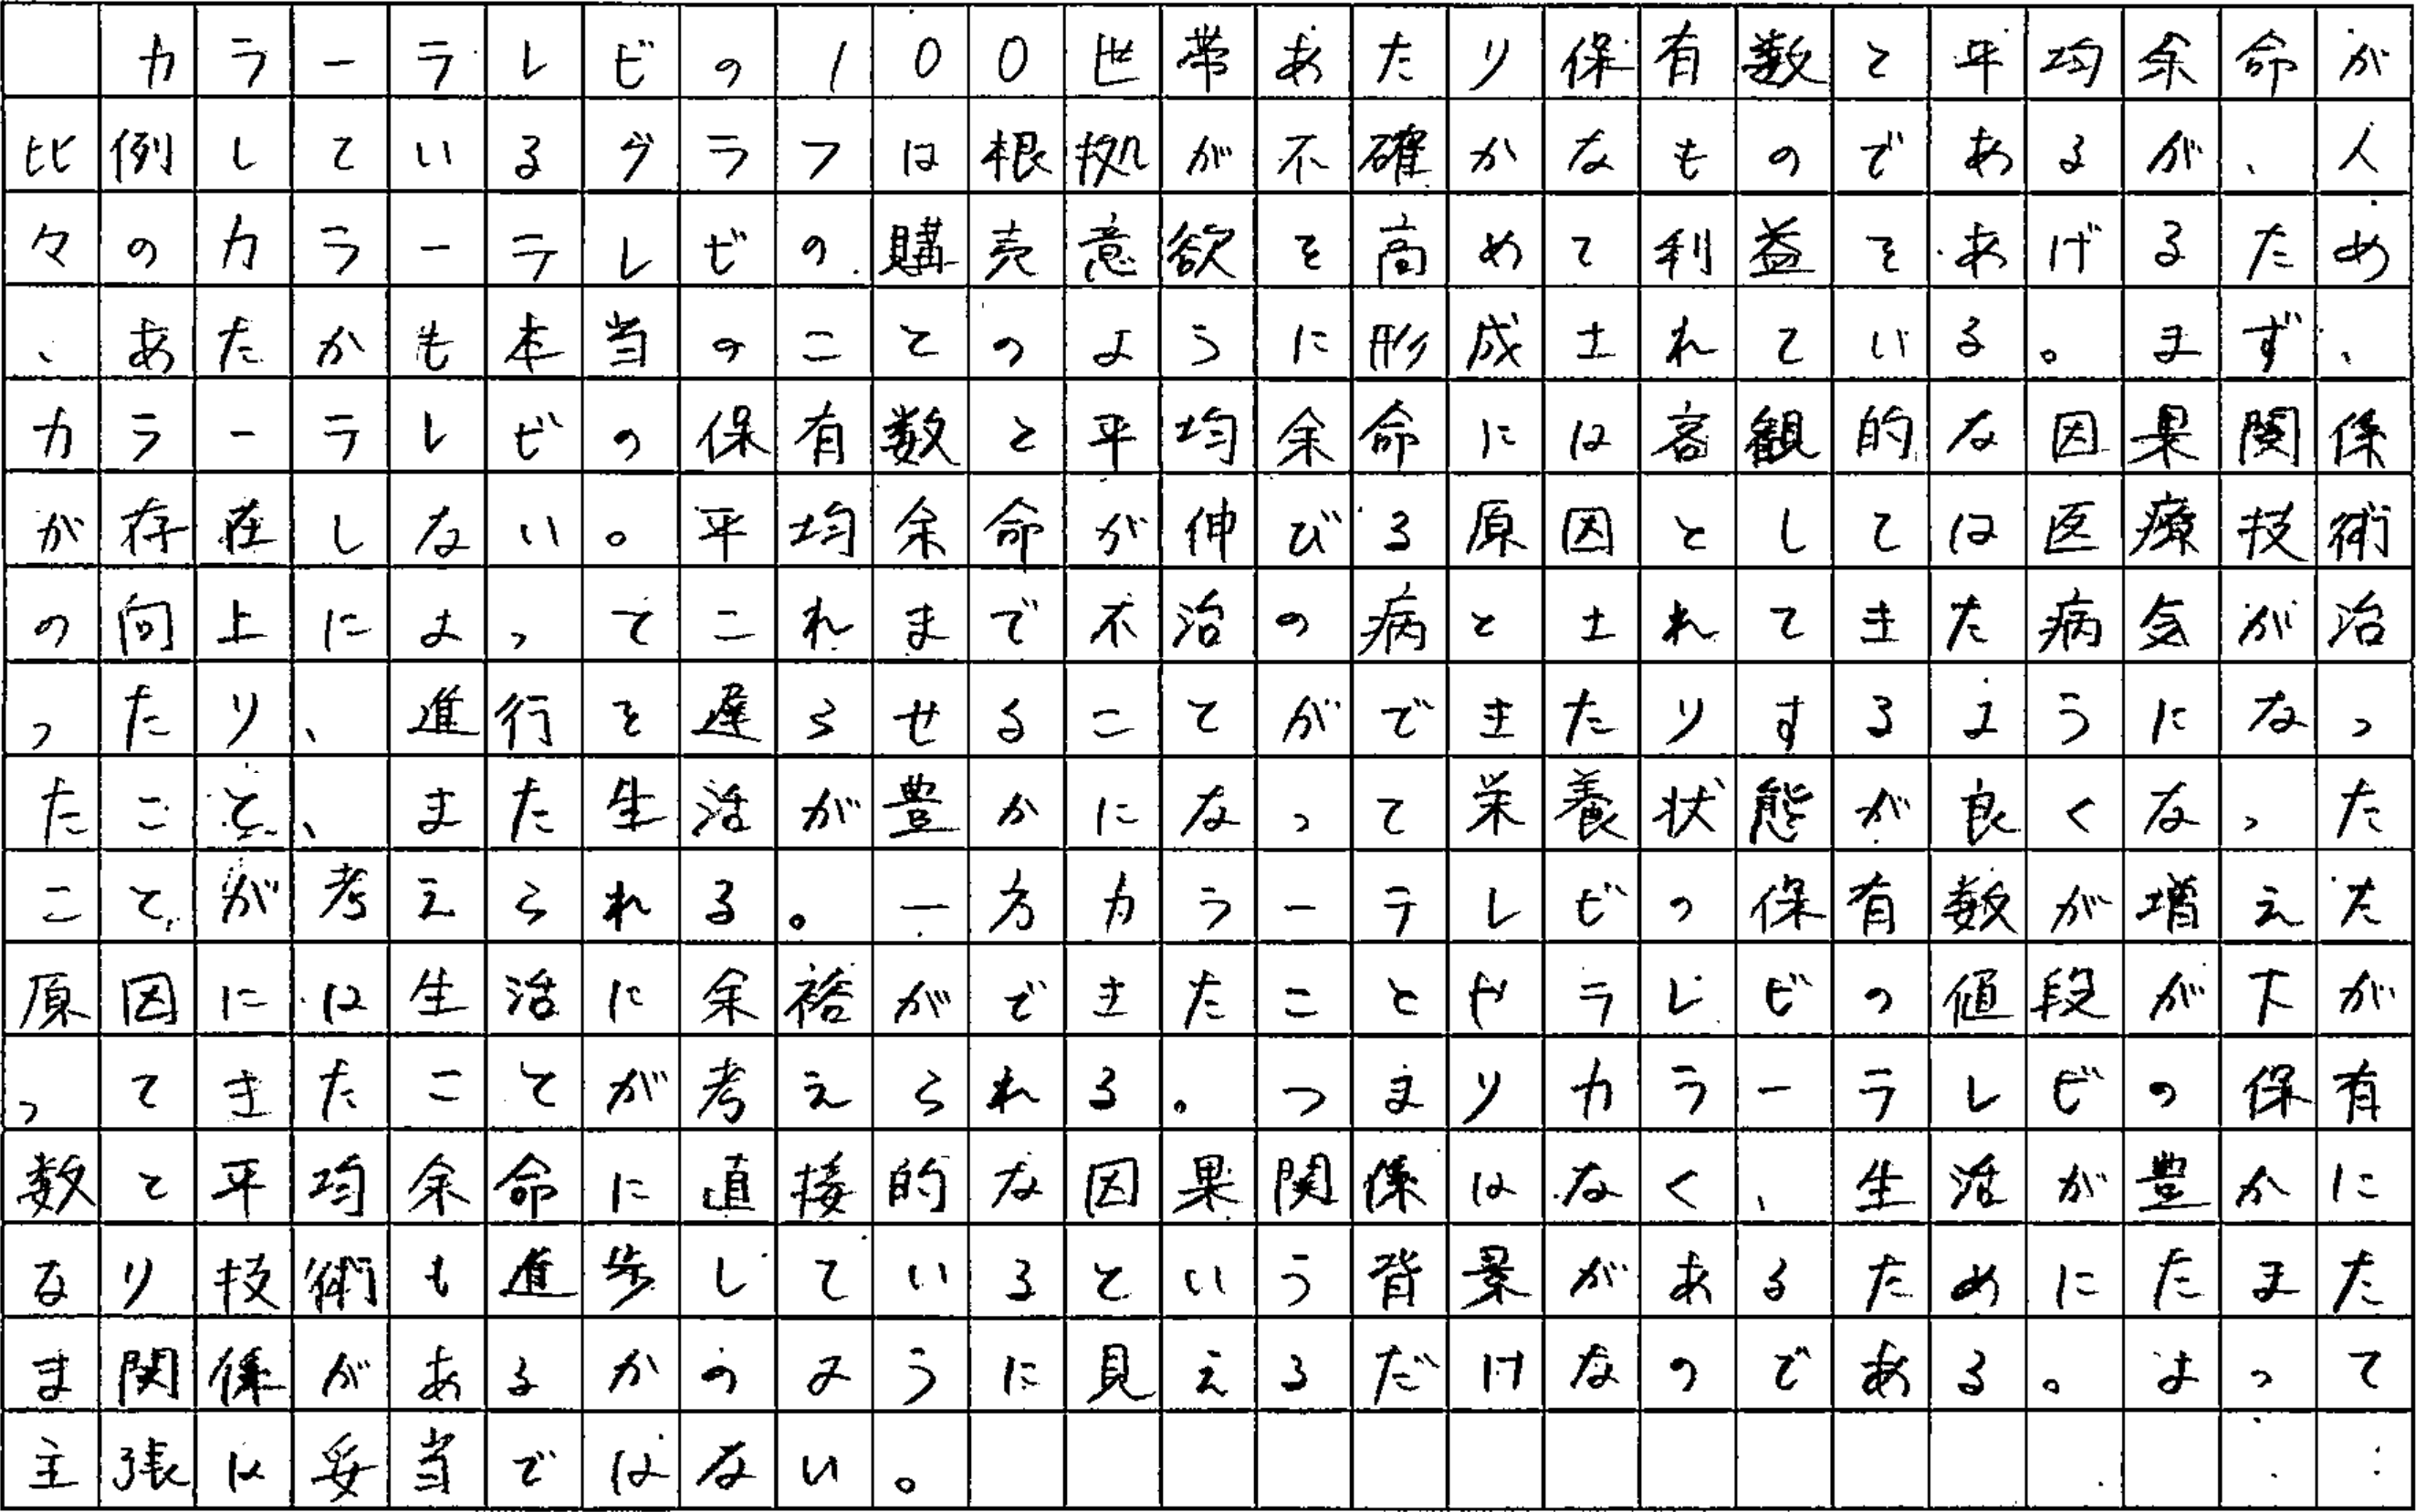　カラーテレビの１００世帯あたり保有数と平均余命が比例しているグラフは根拠が不確かなものであるが、人々のカラーテレビの購売意欲を高めて利益をあげるため、あたかも本当のことのように形成されている。まず、カラーテレビの保有数と平均余命には客観的な因果関係が存在しない。平均余命が伸びる原因としては医療技術の向上によってこれまで不治の病とされてきた病気が治ったり、進行を遅らせることができたりするようになったこと、また生活が豊かになって栄養状態が良くなったことが考えられる。一方カラーテレビの保有数が増えた原因には生活に余裕ができたことやテレビの値段が下がってきたことが考えられる。つまりカラーテレビの保有数と平均余命に直接的な因果関係はなく、生活が豊かになり技術も進歩しているという背景があるためにたまたま関係があるかのように見えるだけなのである。よって主張は妥当ではない。
